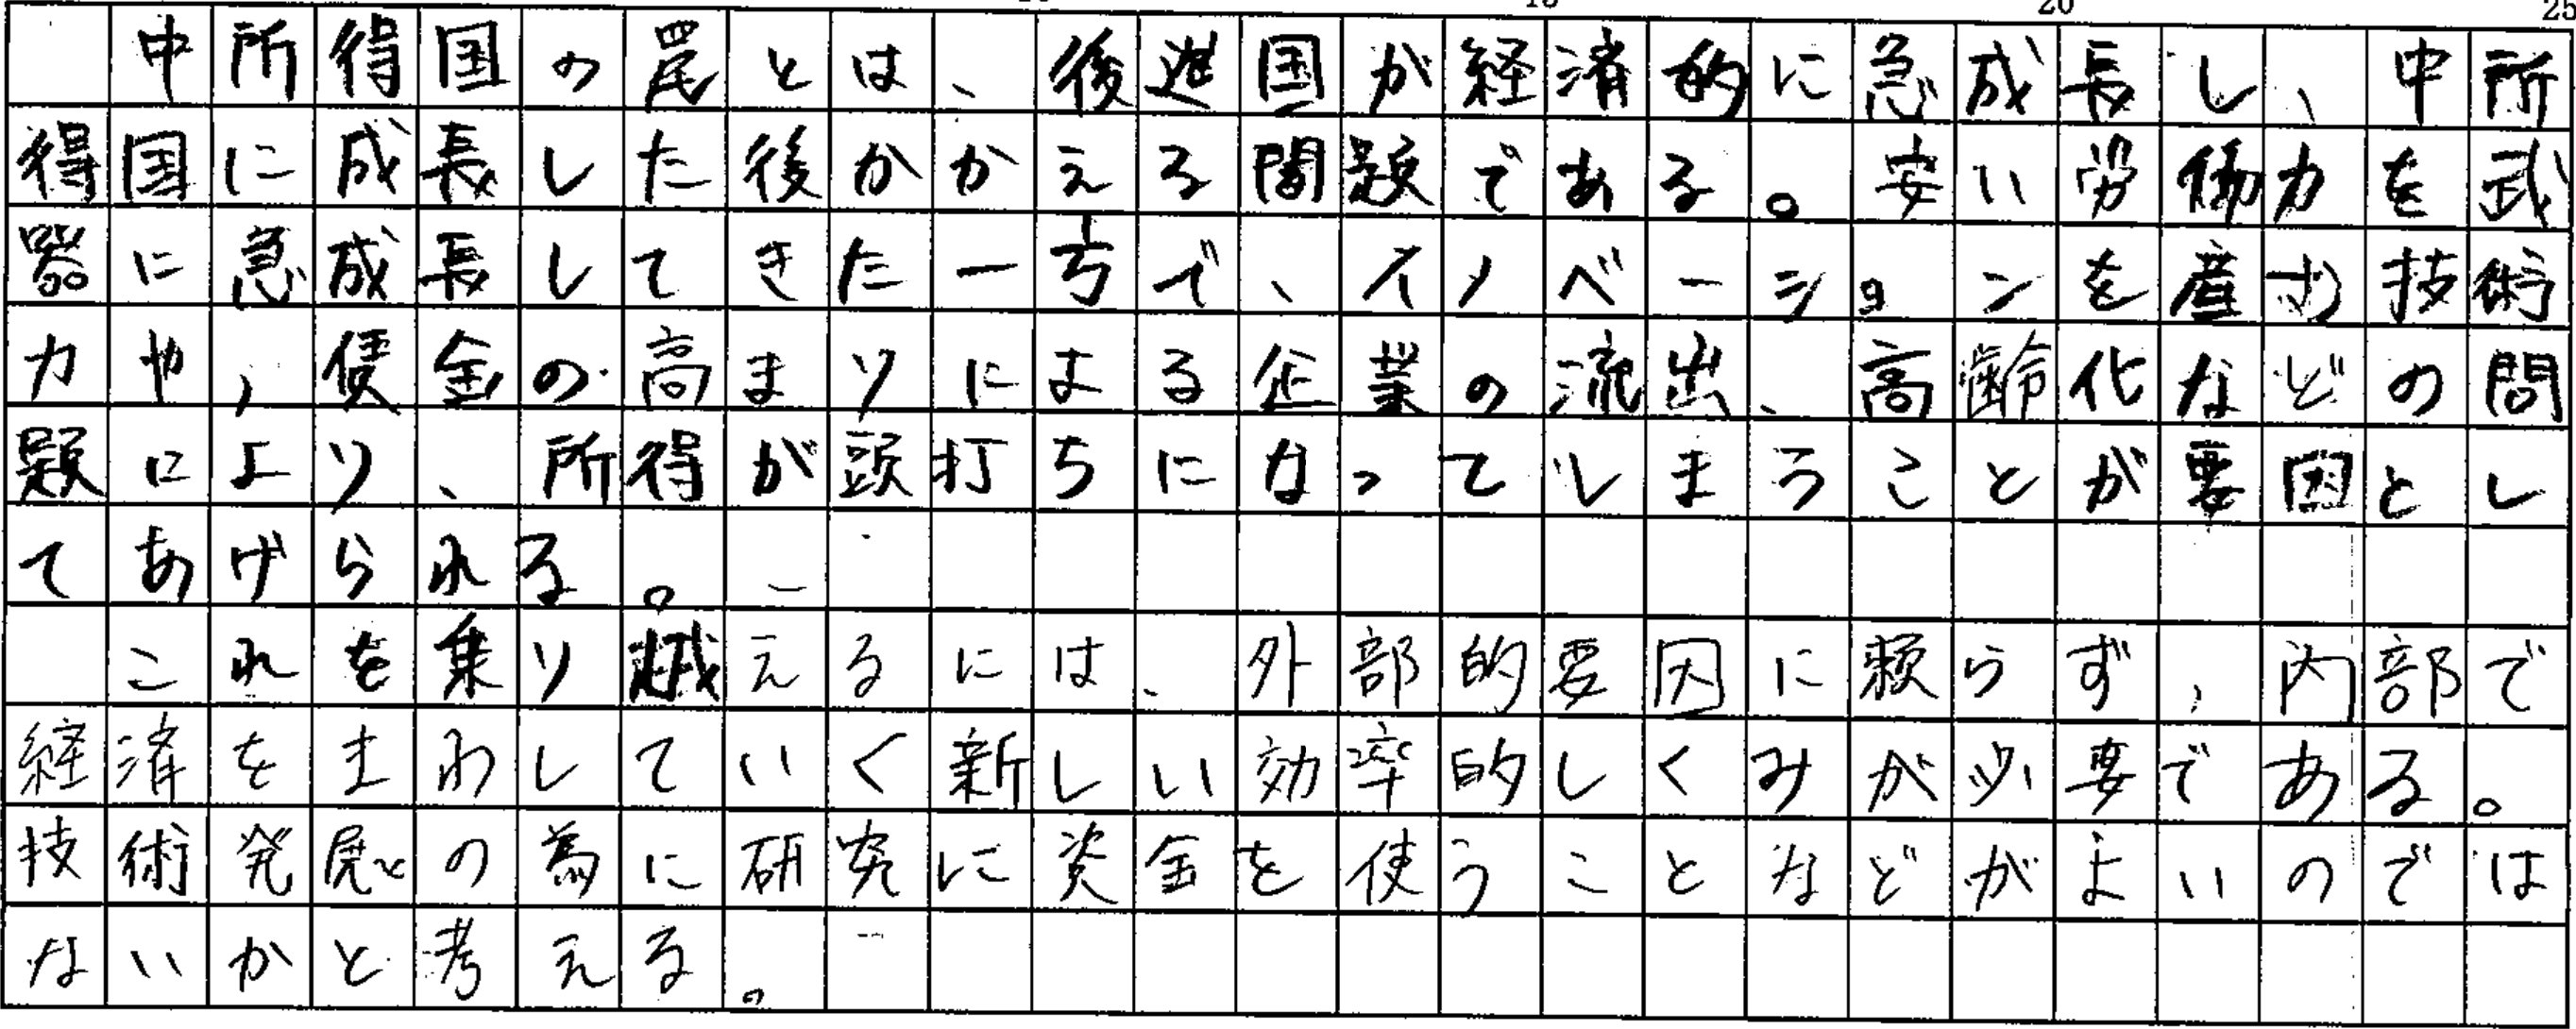　中所得国の罠とは、後進国が経済的に急成長し、中所得国に成長した後かかえる問題である。安い労働力を▁器に急成長してきた一方で、イノベーションを産む技術力や，賃金の高まりによる企業の流出、高齢化などの問題により、所得が頭打ちになってしまうことが要因としてあげられる。
　これを乗り越えるには、外部的要因に頼らず、内部で経済をまわしていく新しい効率的しくみが必要である。技術発展の為に研究に資金を使うことなどがよいのではないかと考える。
